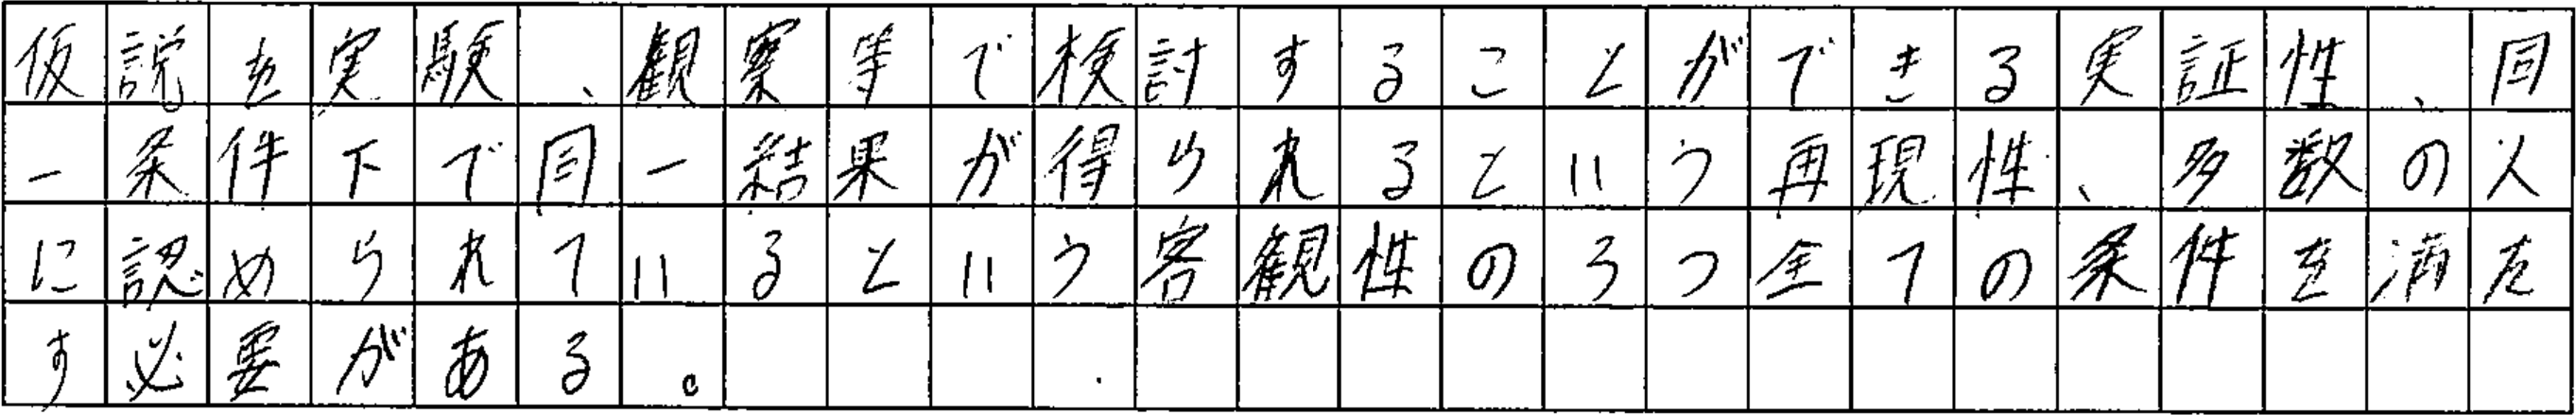仮説を実験、観察等で検討することができる実証性、同一条件下で同一結果が得られるという再現性、多数の人に認められているという客観性の３つ全ての条件を満たす必要がある。
